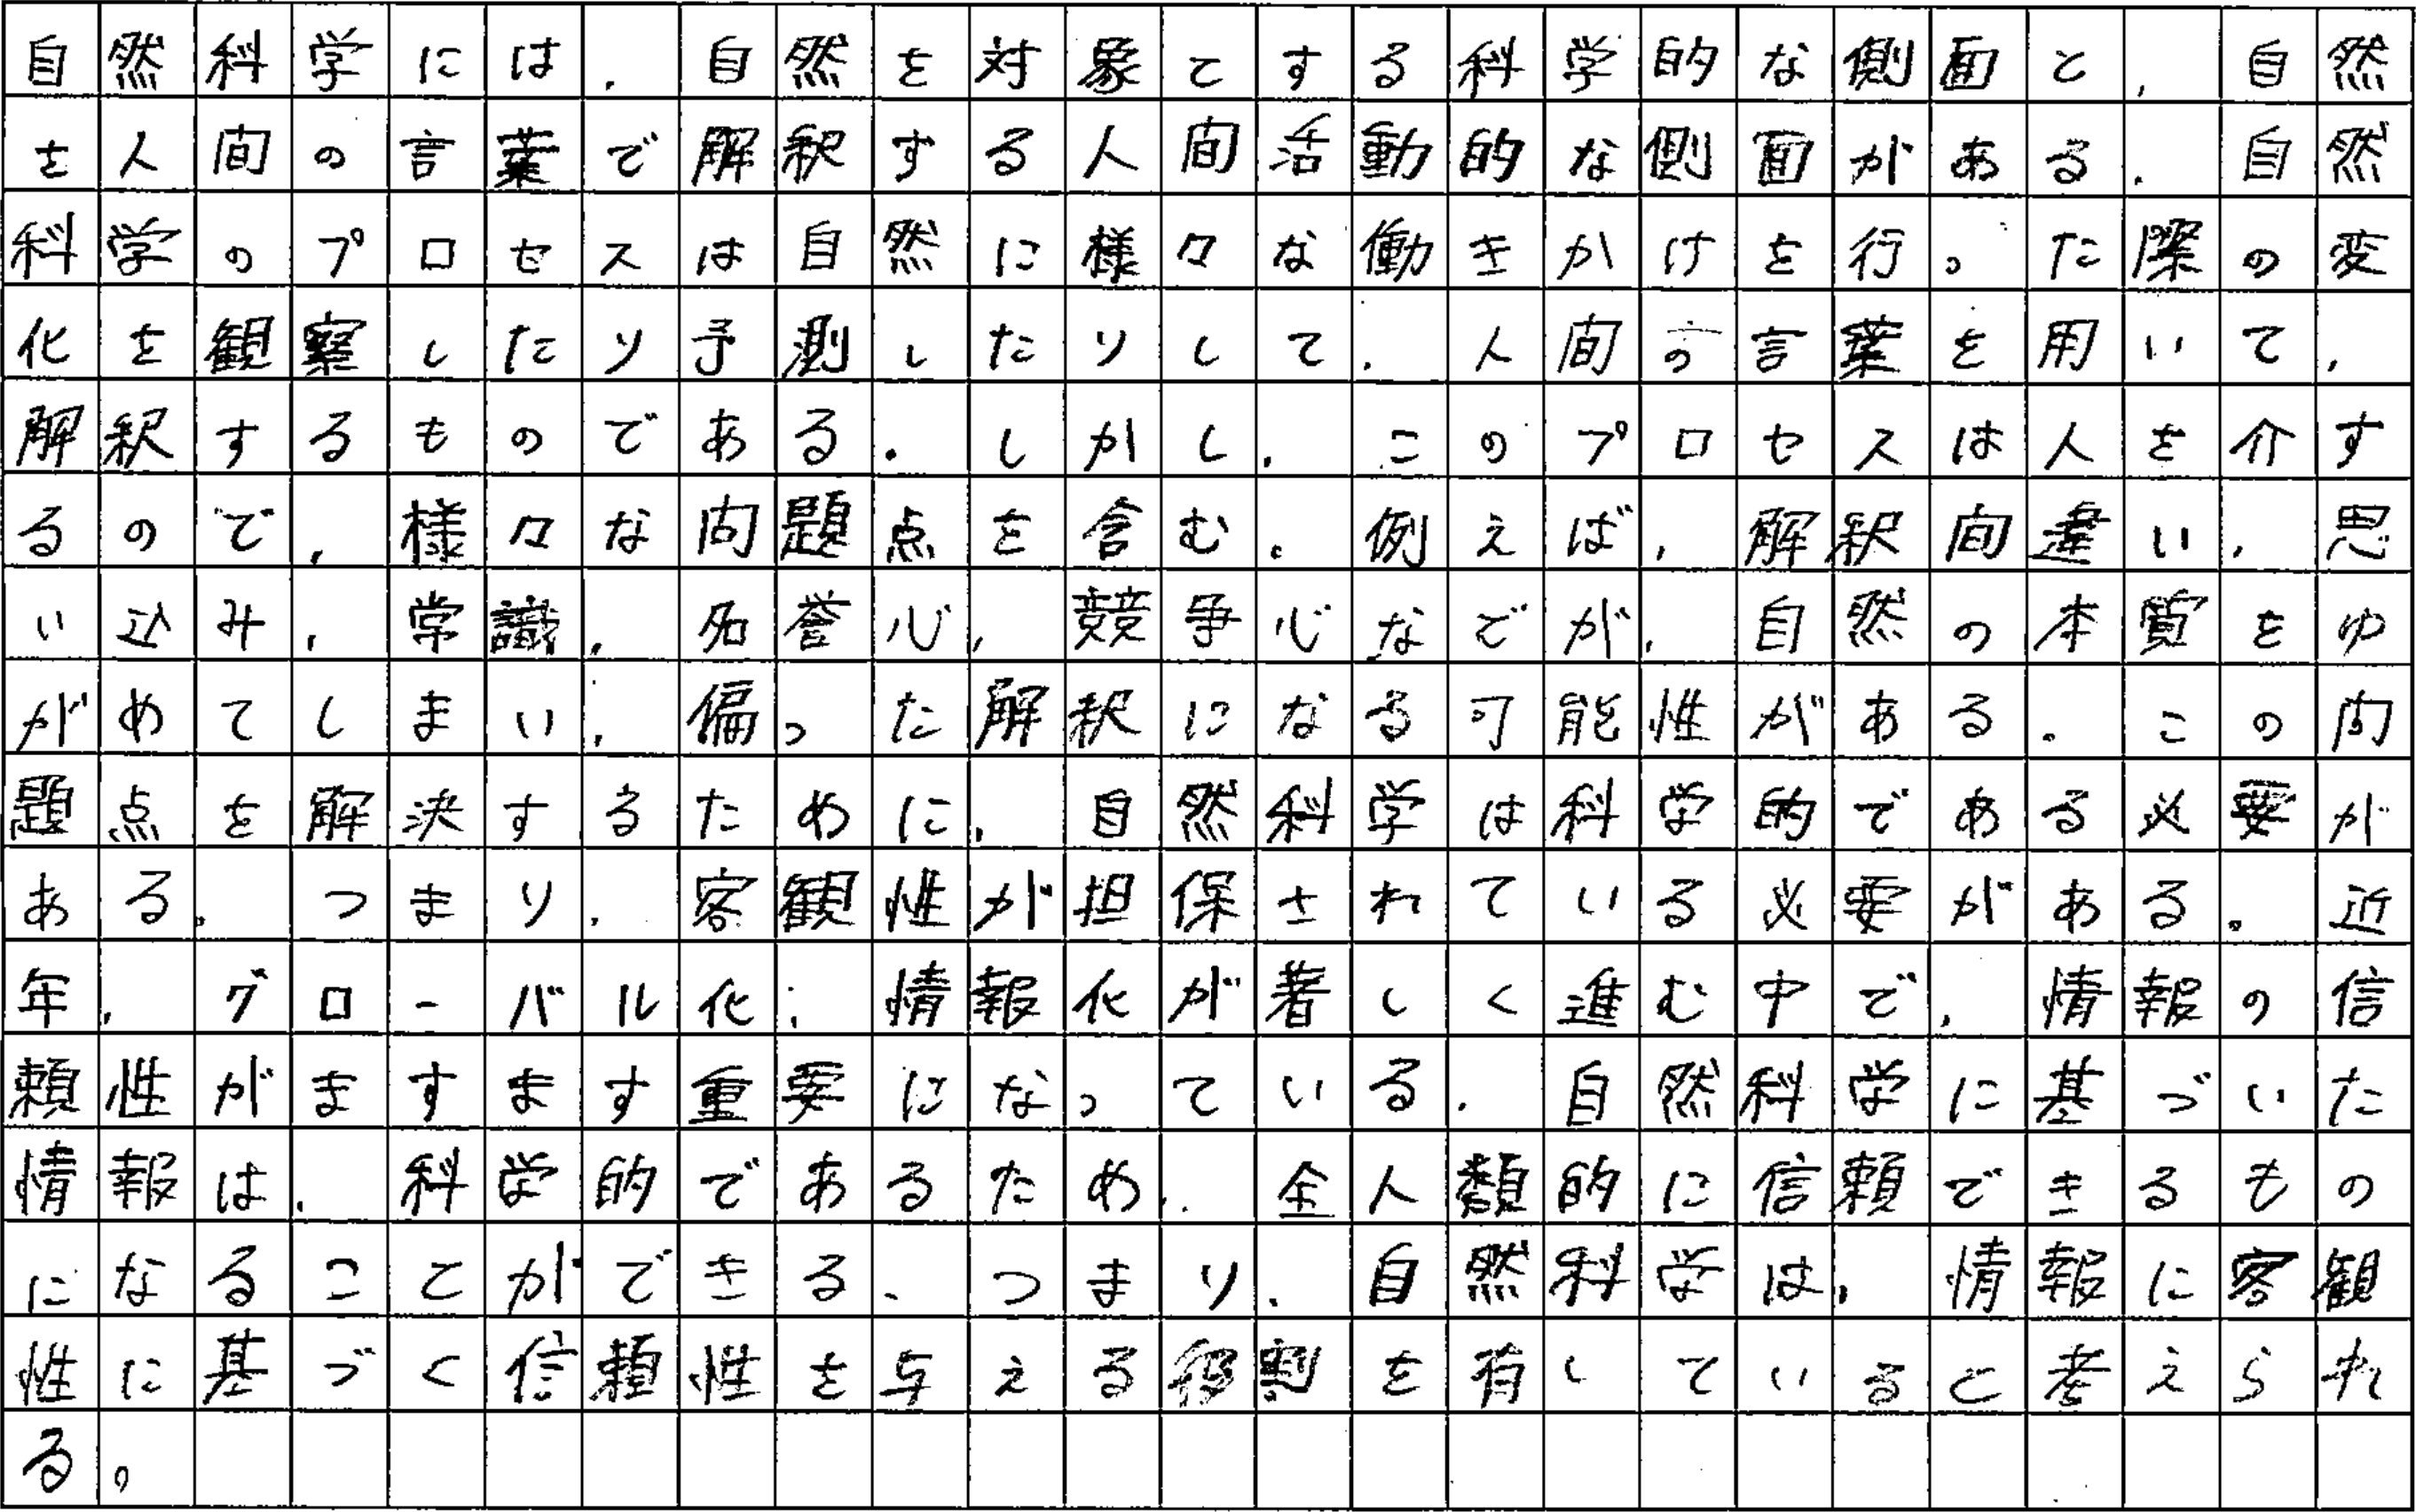自然科学には、自然を対象とする科学的な側面と、自然を人間の言葉で解釈する人間活動的な側面がある。自然科学のプロセスは自然に様々な働きかけを行った際の変化を観察したり予測したりして、人間の言葉を用いて、解釈するものである。しかし、このプロセスは人を介するので、様々な問題点を含む。例えば、解釈間違い、思い込み、常識、名誉心、競争心などが、自然の本質をゆがめてしまい、偏った解釈になる可能性がある。この問題点を解決するために、自然科学は科学的である必要がある。つまり、客観性が担保されている必要がある。近年、グローバル化、情報化が著しく進む中で、情報の信頼性がますます重要になっている。自然科学に基づいた情報は、科学的であるため、全人類的に信頼できるものになることができる。つまり、自然科学は、情報に客観性に基づく信頼性を与える役割を有していると考えられる。
